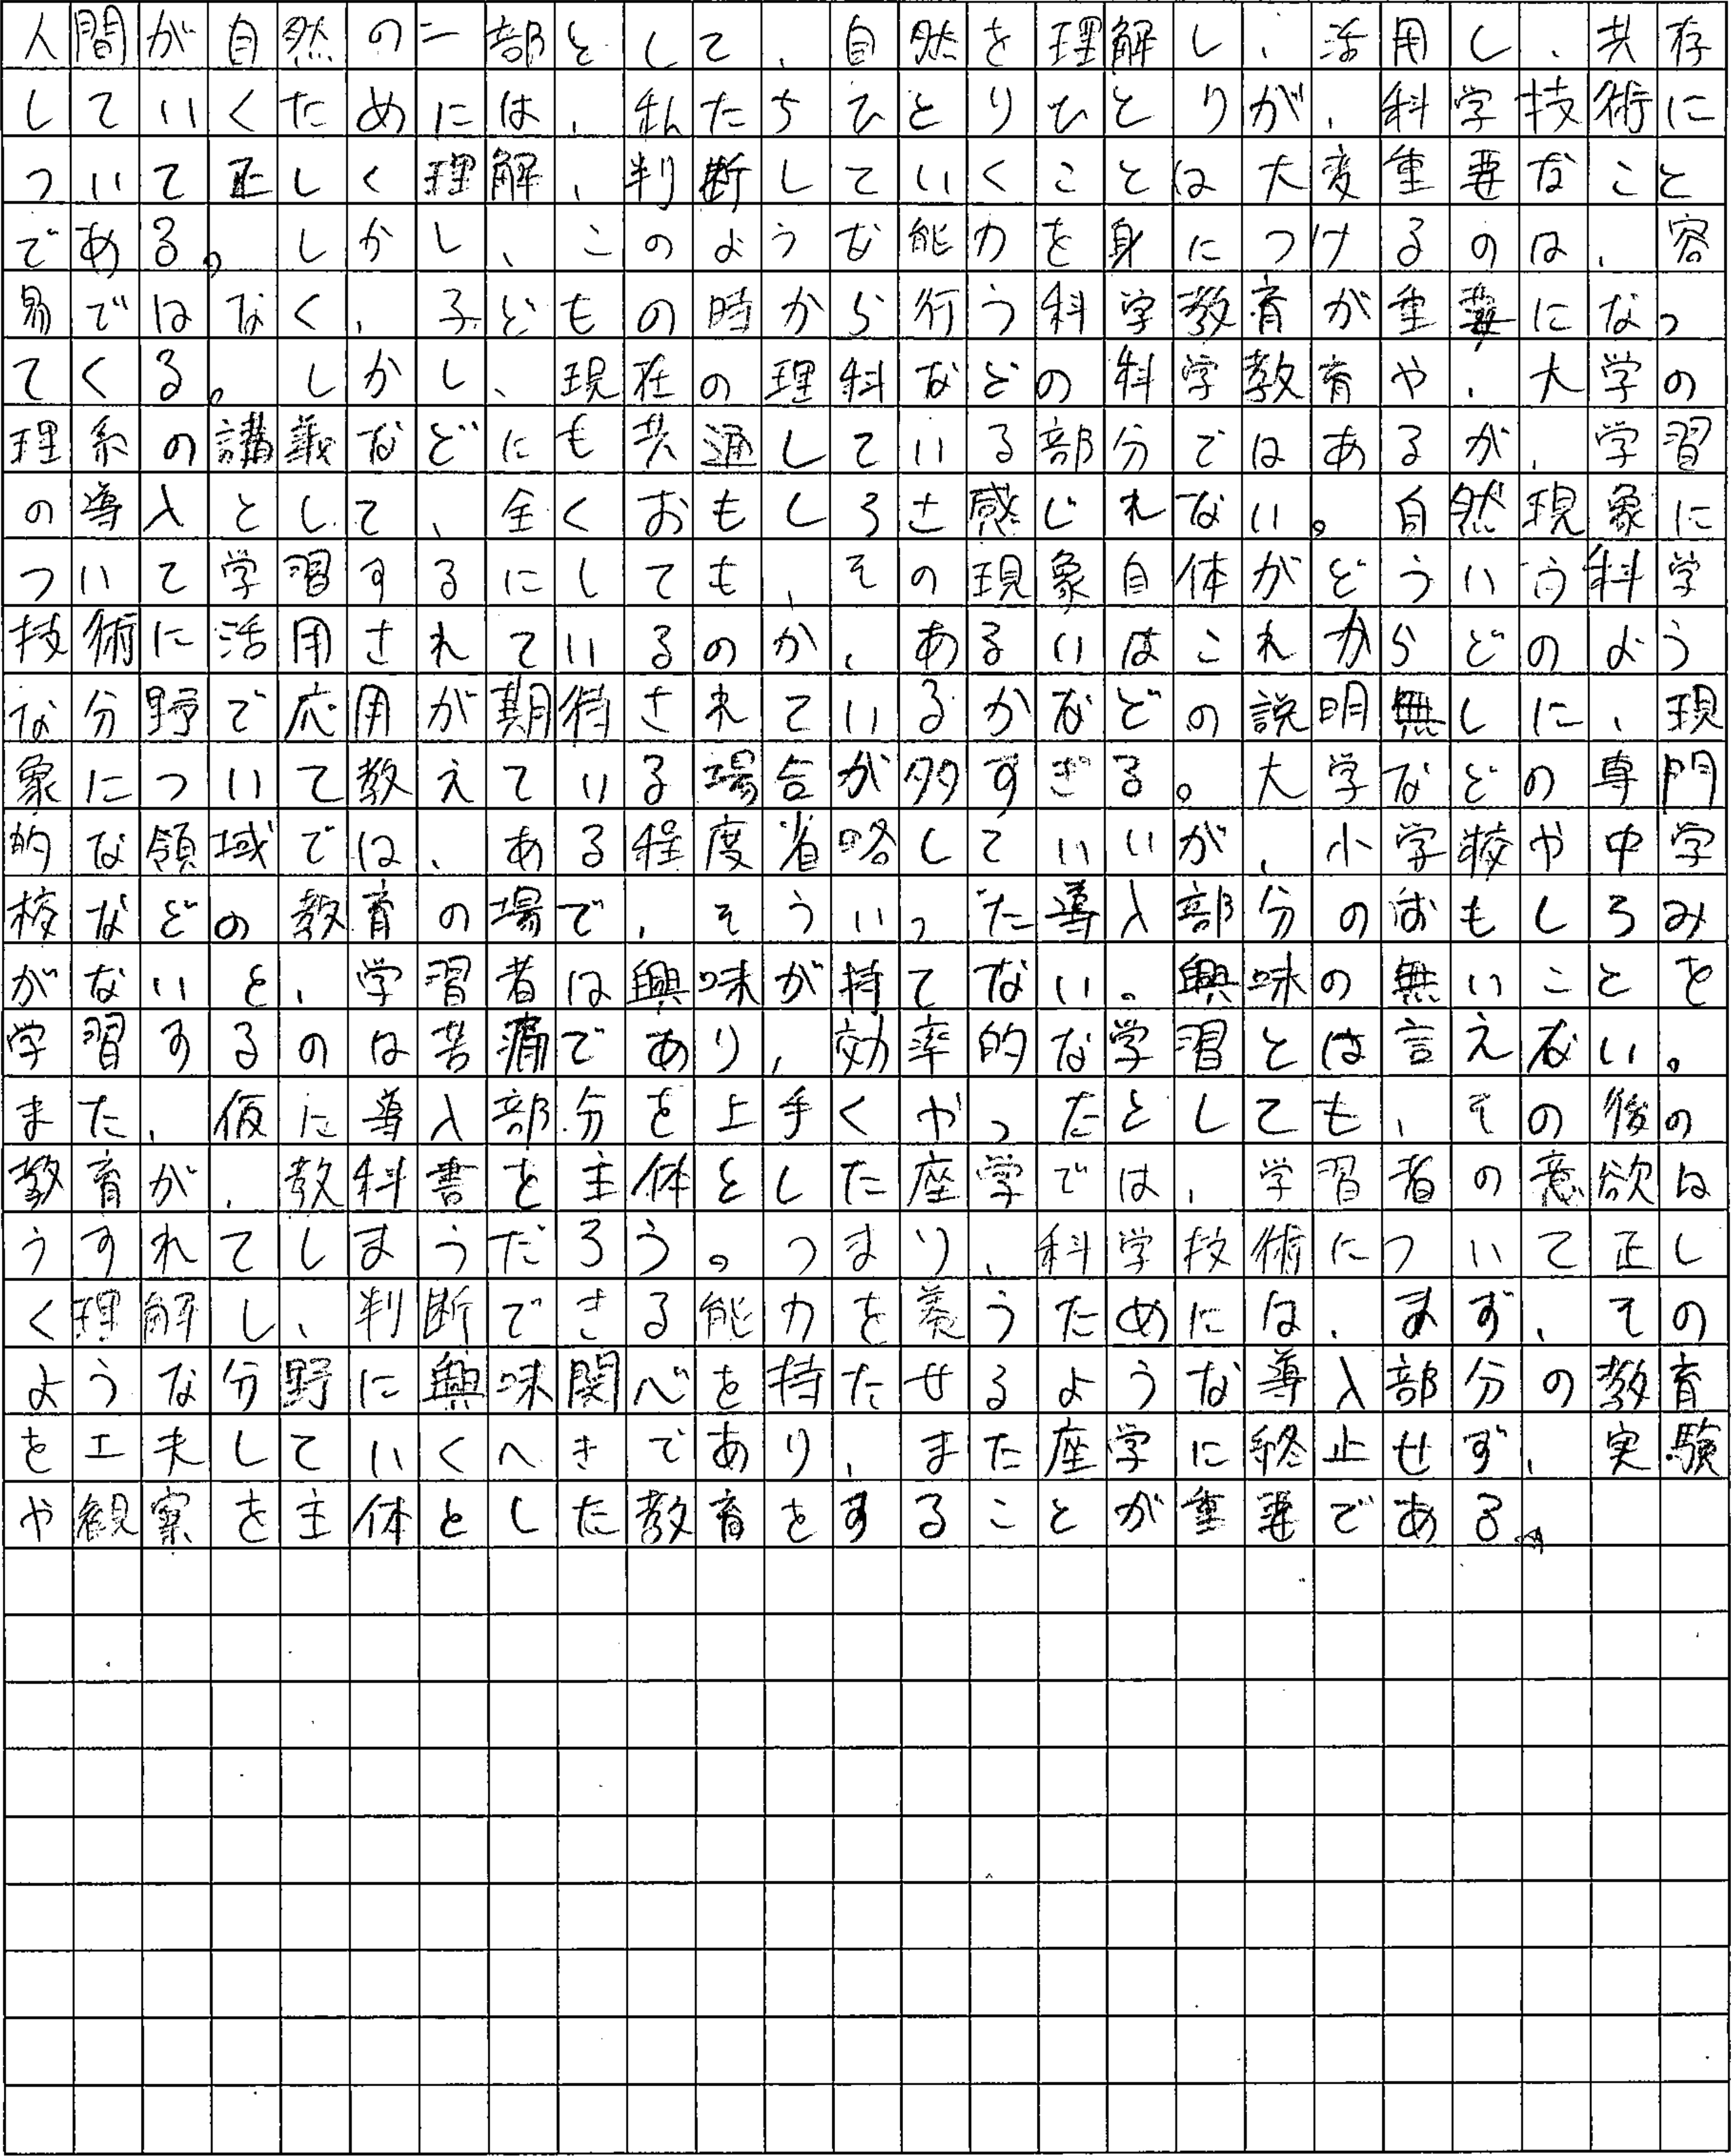人間が自然の一部として、自然を理解し、活用し、共存していくためには、私たちひとりひとりが、科学技術について正しく理解、判断していくことは大変重要なことである。しかし、このような能力を身につけるのは、容易ではなく、子どもの時から行う科学教育が重要になってくる。しかし、現在の理科などの科学教育や、大学の理系の講義などにも共通している部分ではあるが、学習の導入として、全くおもしろさ感じれない。自然現象について学習するにしても、その現象自体がどういう科学技術に活用されているのか、あるいはこれからどのような分野で応用が期待されているかなどの説明無しに、現象について教えている場合が多すぎる。大学などの専門的な領域では、ある程度省略していいが、小学校や中学校などの教育の場で、そういった導入部分のおもしろみがないと、学習者は興味が持てない。興味の無いことを学習するのは苦痛であり、効率的な学習とは言えない。また、仮に導入部分を上手くやったとしても、その後の教育が、教科書を主体とした座学では、学習者の意欲はうすれてしまうだろう。つまり、科学技術について正しく理解し、判断できる能力を養うためには、まず、そのような分野に興味関心を持たせるような導入部分の教育を工夫していくへきであり、また座学に終止せず、実験や観察を主体とした教育をすることが重要である。
